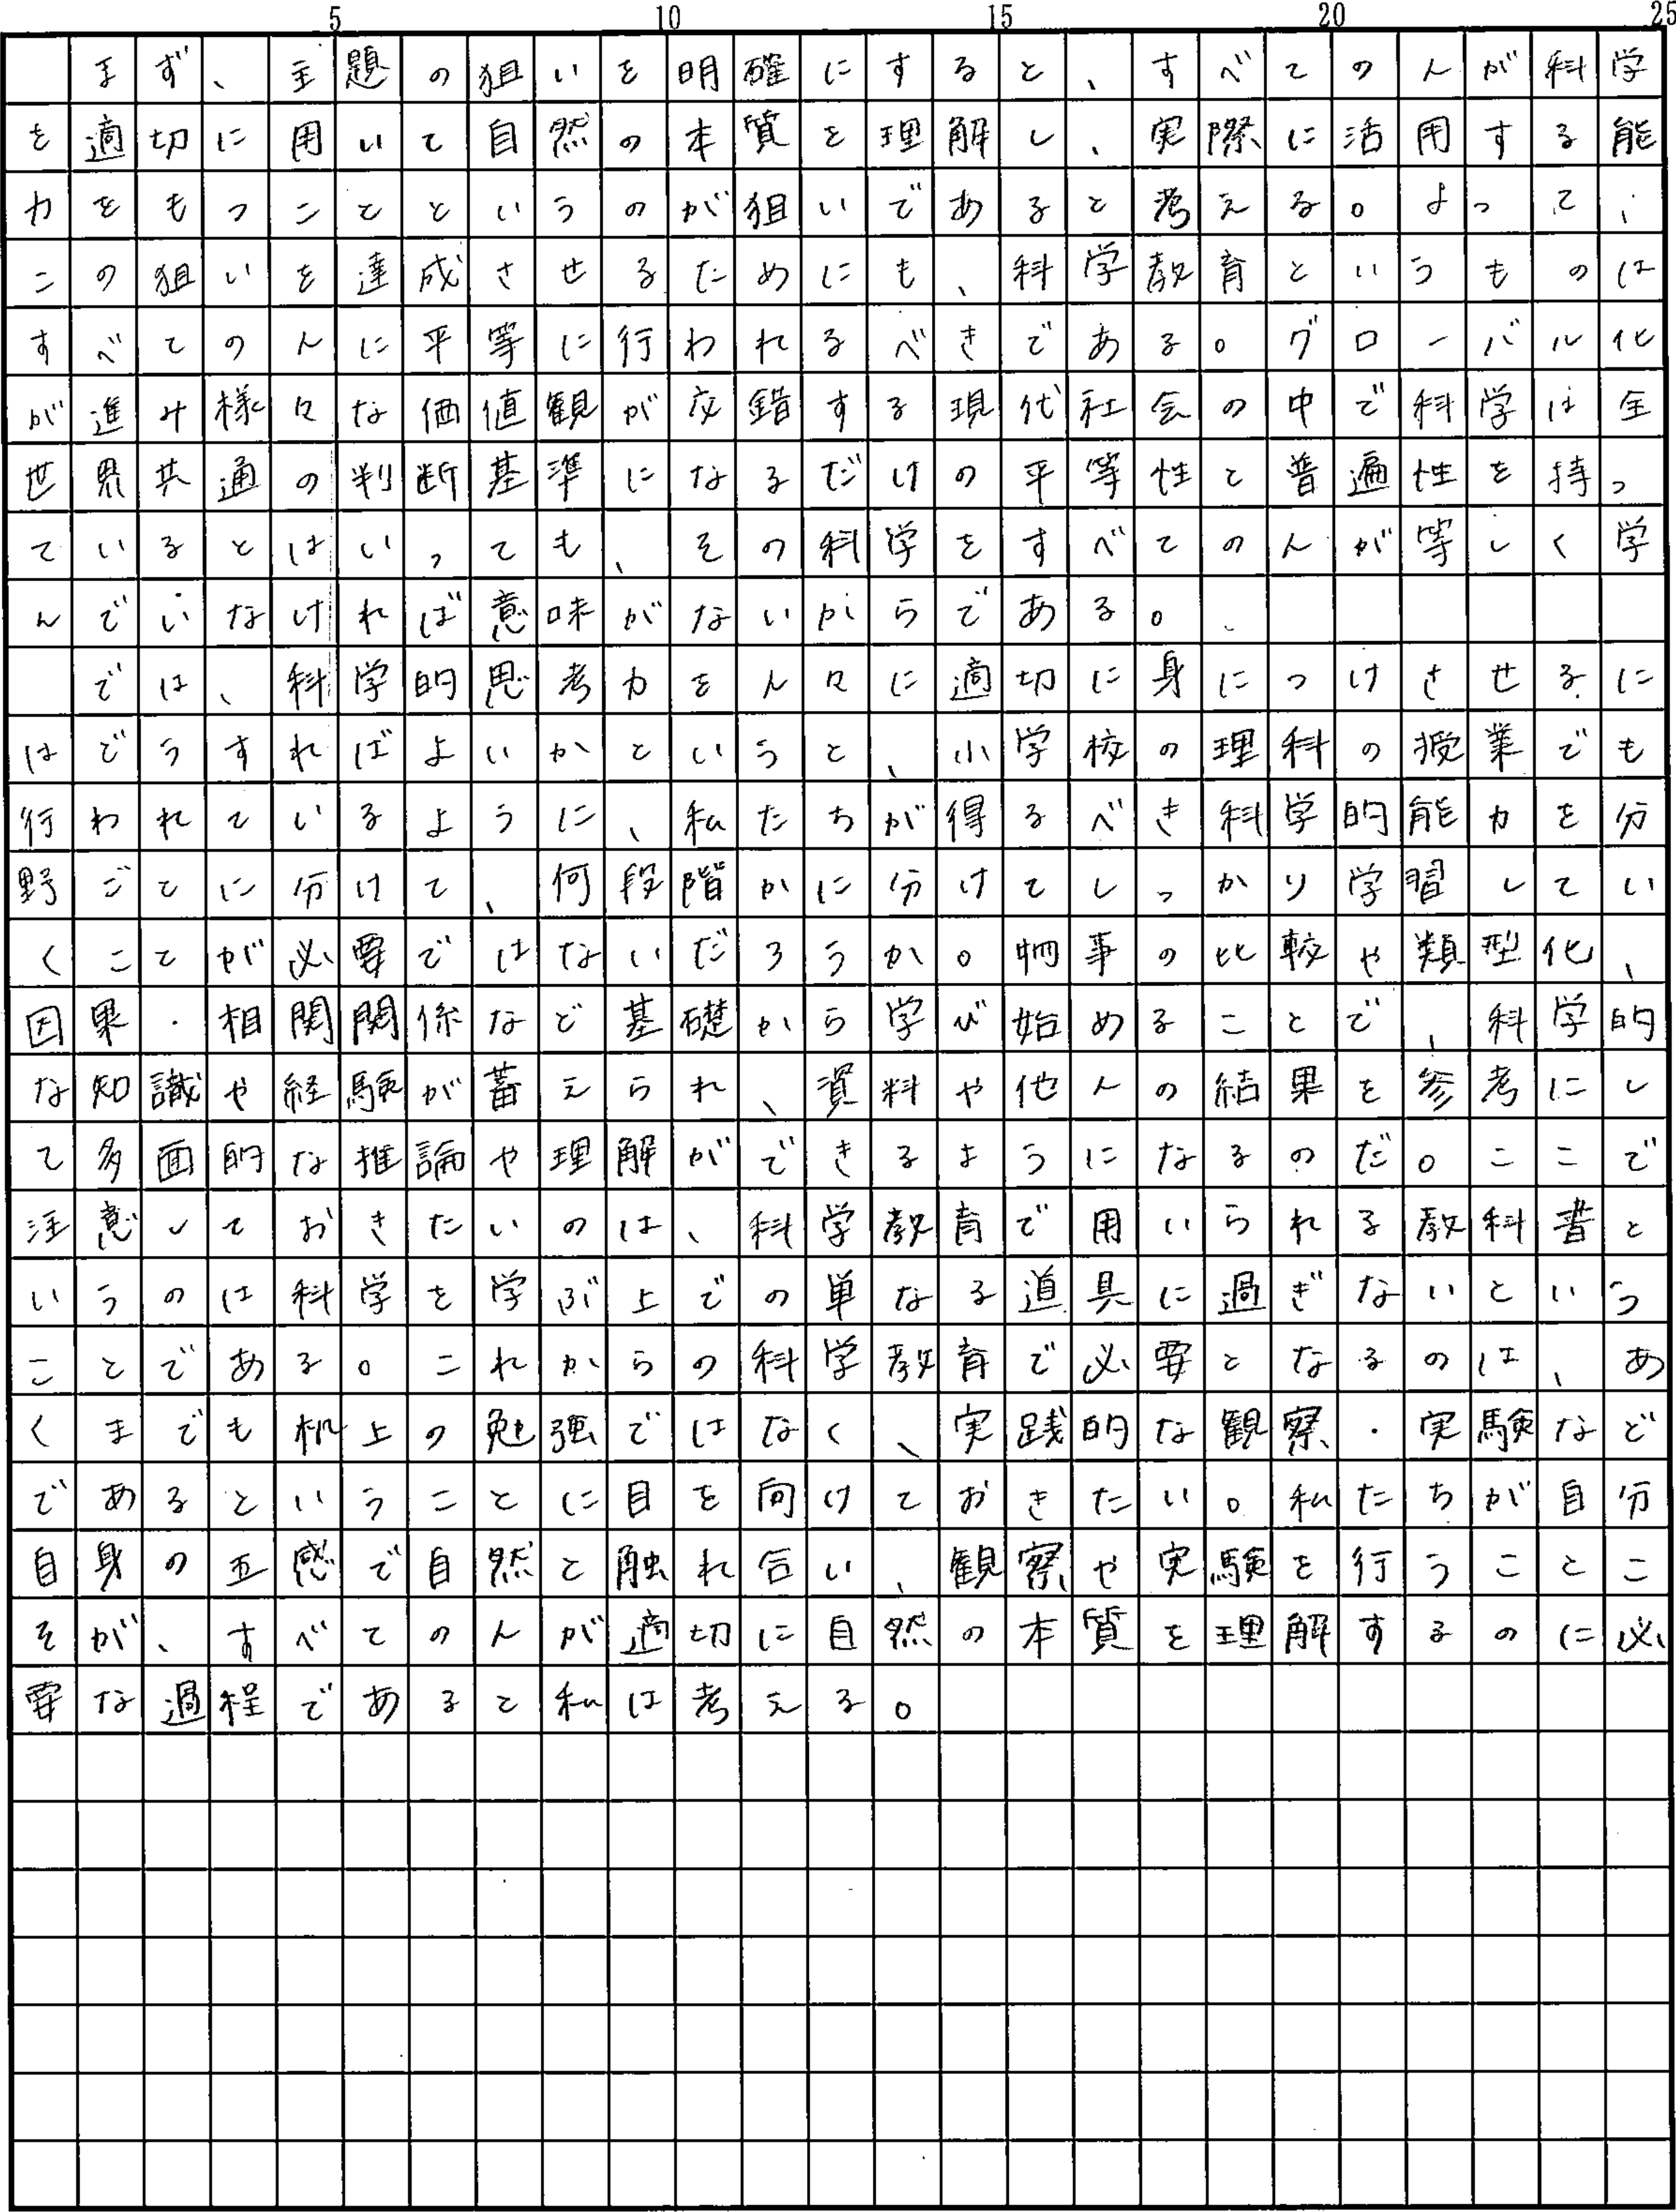　まず、主題の狙いを明確にすると、すべての人が科学を適切に用いて自然の本質を理解し、実際に活用する能力をもつことというのが狙いであると考える。よって、この狙いを達成させるためにも、科学教育というものはすべての人に平等に行われるべきである。グローバル化が進み様々な価値観が交錯する現代社会の中で科学は全世界共通の判断基準になるだけの平等性と普遍性を持っているとはいっても、その科学をすべての人が等しく学んでいなければ意味がないからである。
　では、科学的思考力を人々に適切に身につけさせるにはどうすればよいかというと、小学校の理科の授業でも行われているように、私たちが得るべき科学的能力を分野ごとに分けて、何段階かに分けてしっかり学習していくことが必要ではないだろうか。物事の比較や類型化、因果・相関関係など基礎から学び始めることで、科学的な知識や経験が蓄えられ、資料や他人の結果を参考にして多面的な推論や理解ができるようになるのだ。ここで注意しておきたいのは、科学教育で用いられる教科書というのは科学を学ぶ上での単なる道具に過ぎないということである。これからの科学教育で必要となるのは、あくまでも机上の勉強ではなく、実践的な観察・実験などであるということに目を向けておきたい。私たちが自分自身の五感で自然と触れ合い、観察や実験を行うことこそが、すべての人が適切に自然の本質を理解するのに必要な過程であると私は考える。
